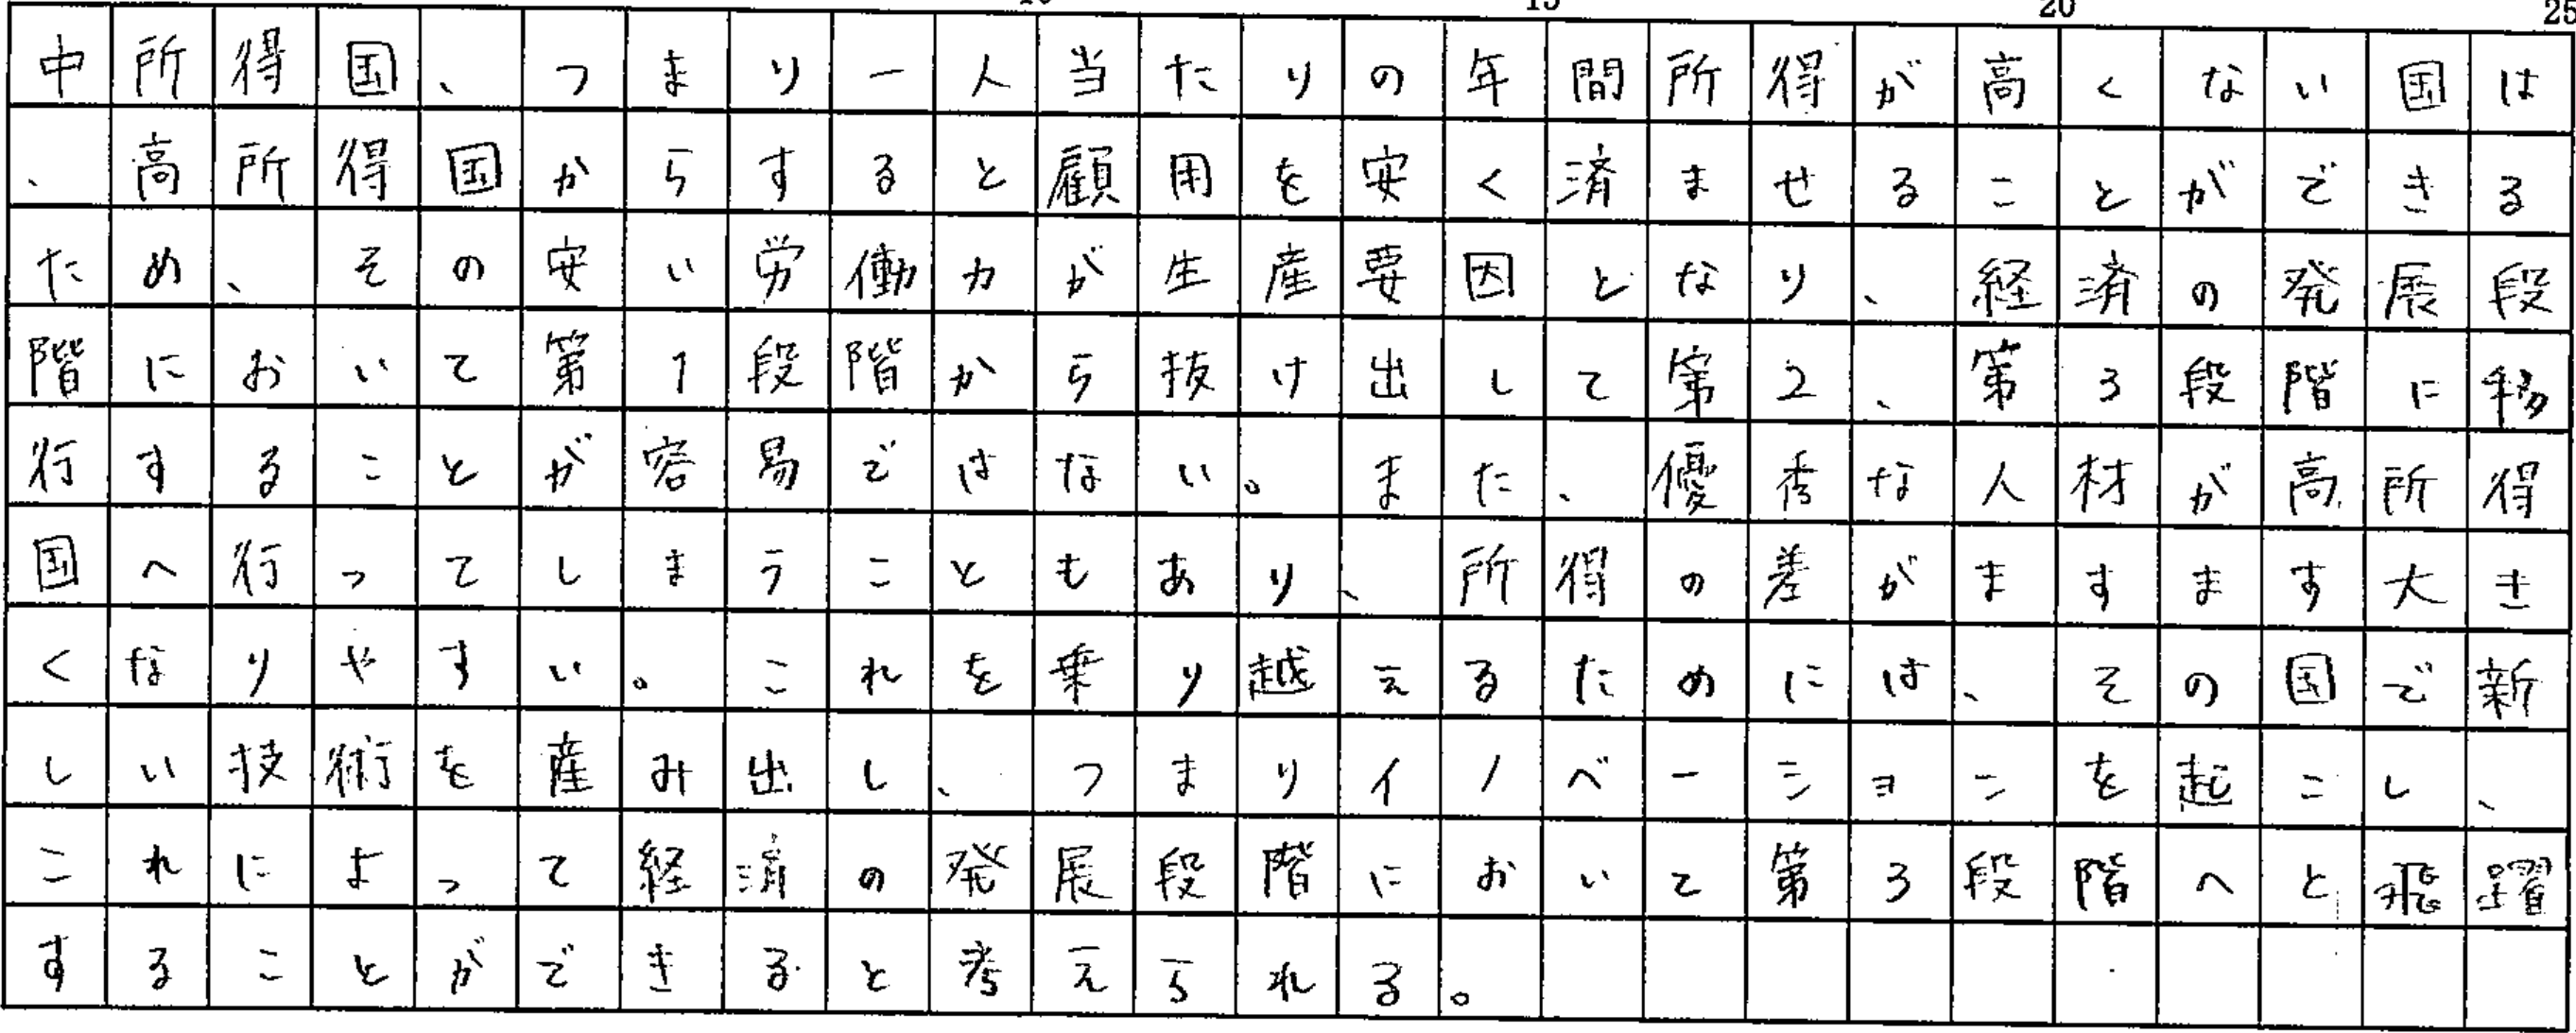中所得国、つまり一人当たりの年間所得が高くない国は、高所得国からすると顧用を安く済ませることができるため、その安い労働力が生産要因となり、経済の発展段階において第１段階から抜け出して第２、第３段階に移行することが容易ではない。また、優秀な人材が高所得国へ行ってしまうこともあり、所得の差がますます大きくなりやすい。これを乗り越えるためには、その国で新しい技術を産み出し、つまりイノベーションを起こし、これによって経済の発展段階において第３段階へと飛躍することができると考えられる。
